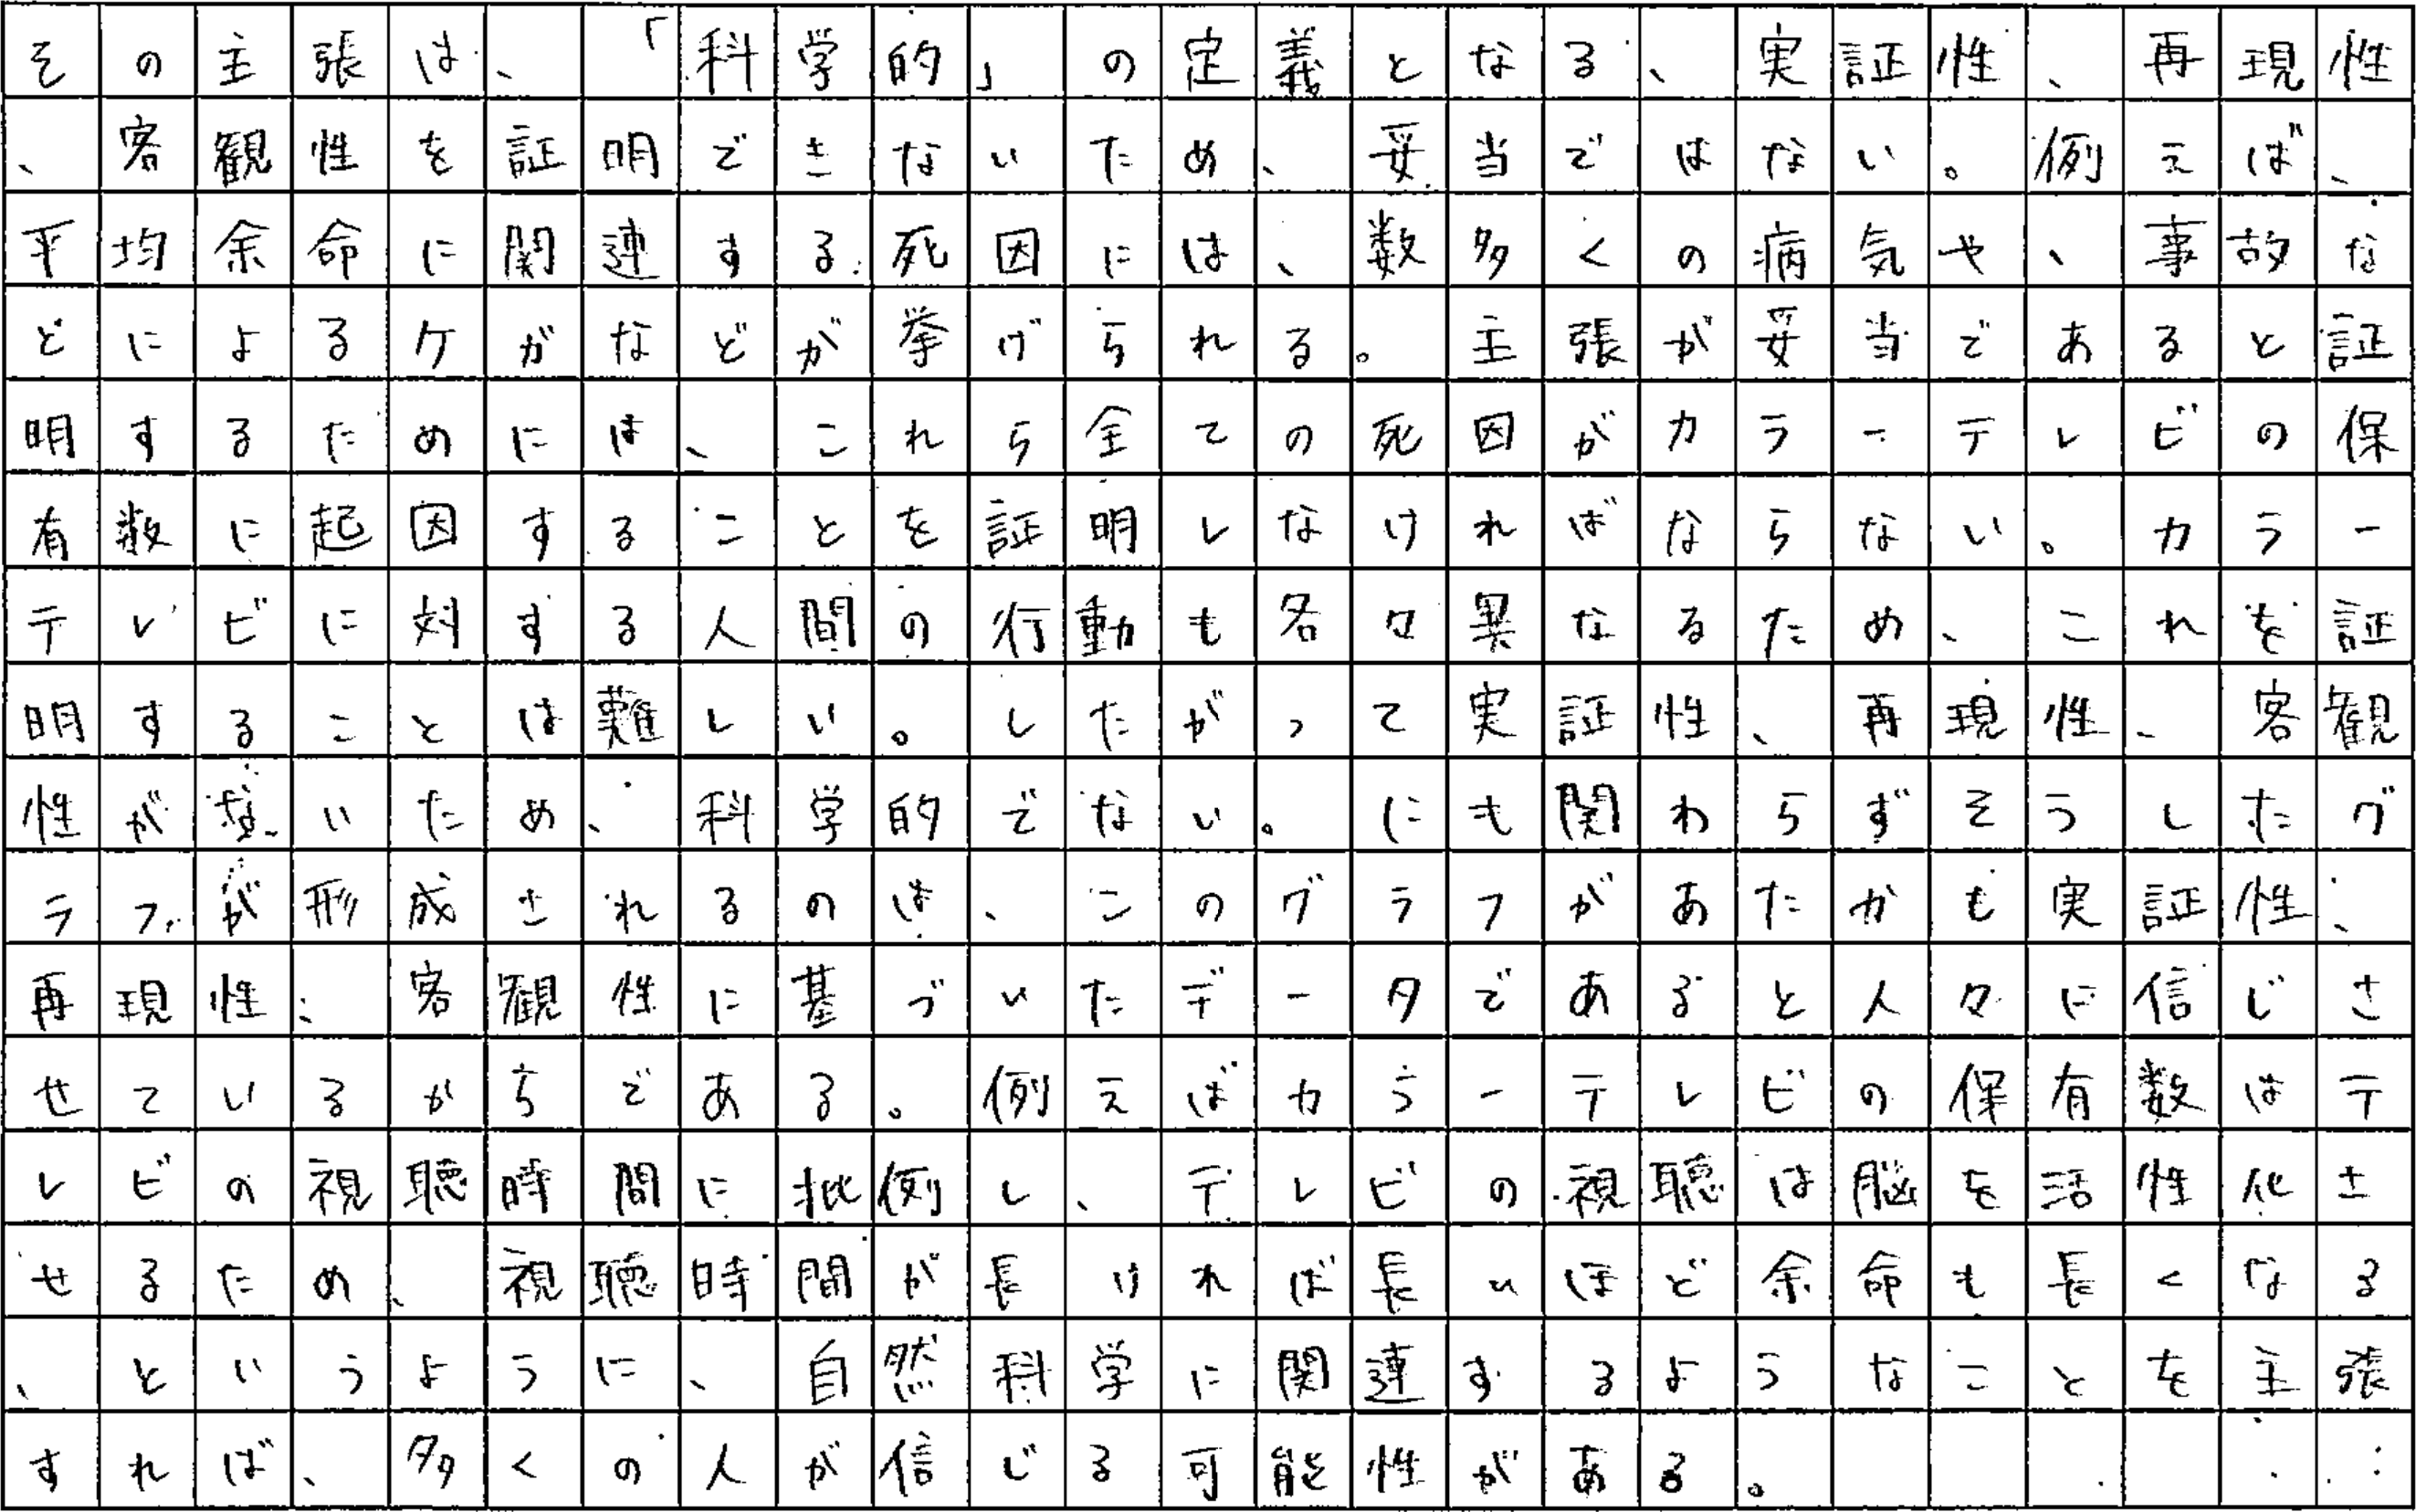その主張は、「科学的」の定義となる、実証性、再現性、客観性を証明できないため、妥当ではない。例えば、平均余命に関連する死因には、数多くの病気や、事故などによるケガなどが挙げられる。主張が妥当であると証明するためには、これら全ての死因がカラーテレビの保有数に起因することを証明しなければならない。カラーテレビに対する人間の行動も各々異なるため、これを証明することは難しい。したがって実証性、再現性、客観性がないため、科学的でない。にも関わらずそうしたグラフが形成されるのは、このグラフがあたかも実証性、再現性、客観性に基づいたデータであると人々に信じさせているからである。例えばカラーテレビの保有数はテレビの視聴時間に批例し、テレビの視聴は脳を活性化させるため、視聴時間が長ければ長いほど余命も長くなる、というように、自然科学に関連するようなことを主張すれば、多くの人が信じる可能性がある。
